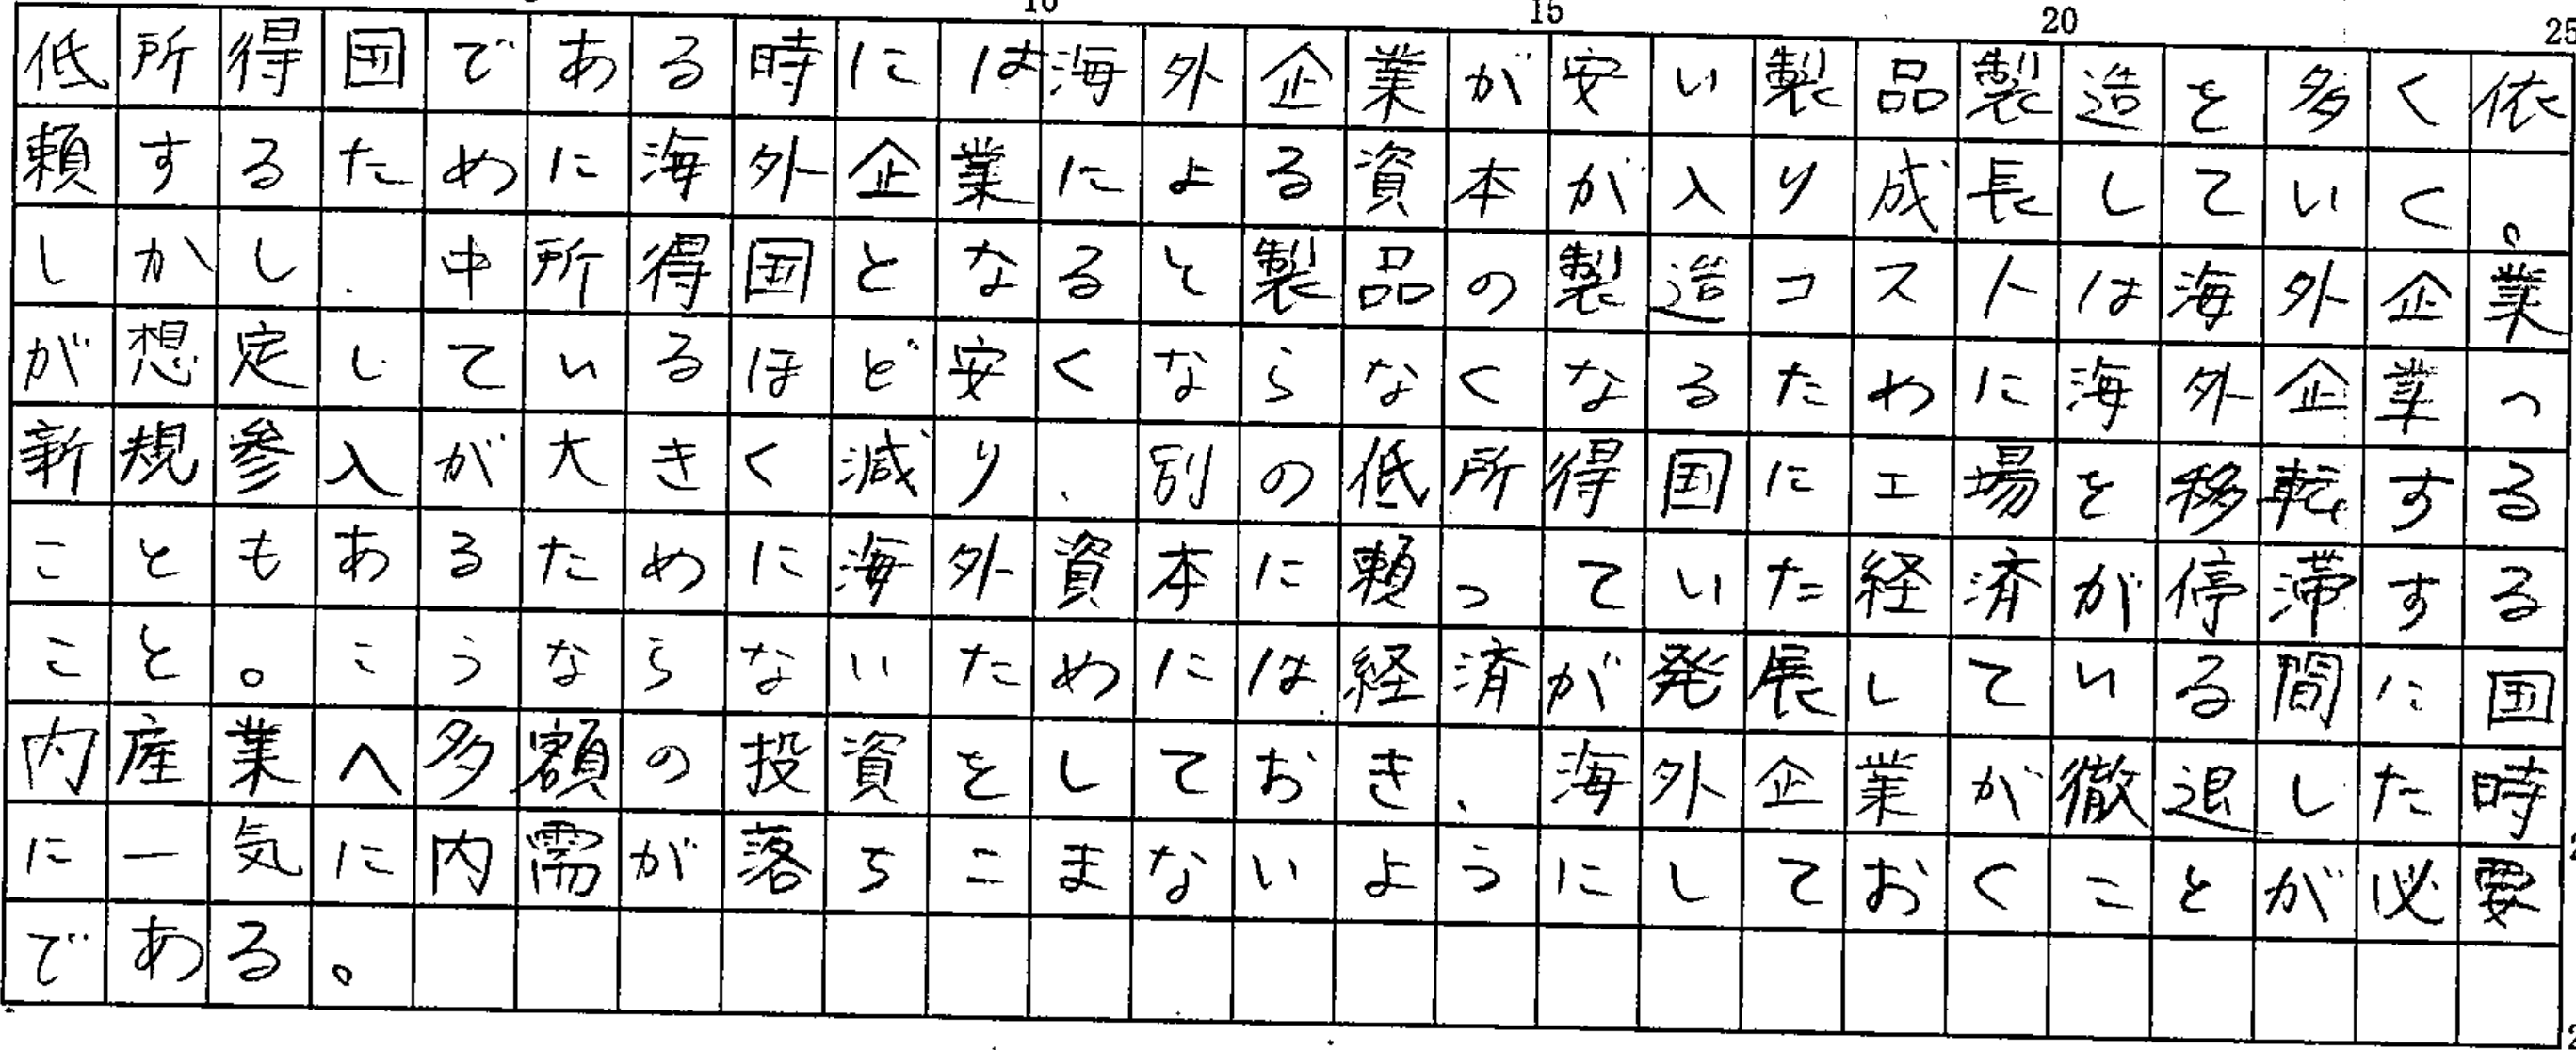低所得国である時には海外企業が安い製品製造を多く依頼するために海外企業による資本が入り成長していく。しかし、中所得国となると製品の製造コストは海外企業が想定しているほど安くならなくなるために海外企業の新規参入が大きく減り、別の低所得国に工場を移転することもあるために海外資本に頼っていた経済が停滞すること。こうならないためには経済が発展している間に国内産業へ多額の投資をしておき、海外企業が徹退した時に一気に内需が落ちこまないようにしておくことが必要である。
